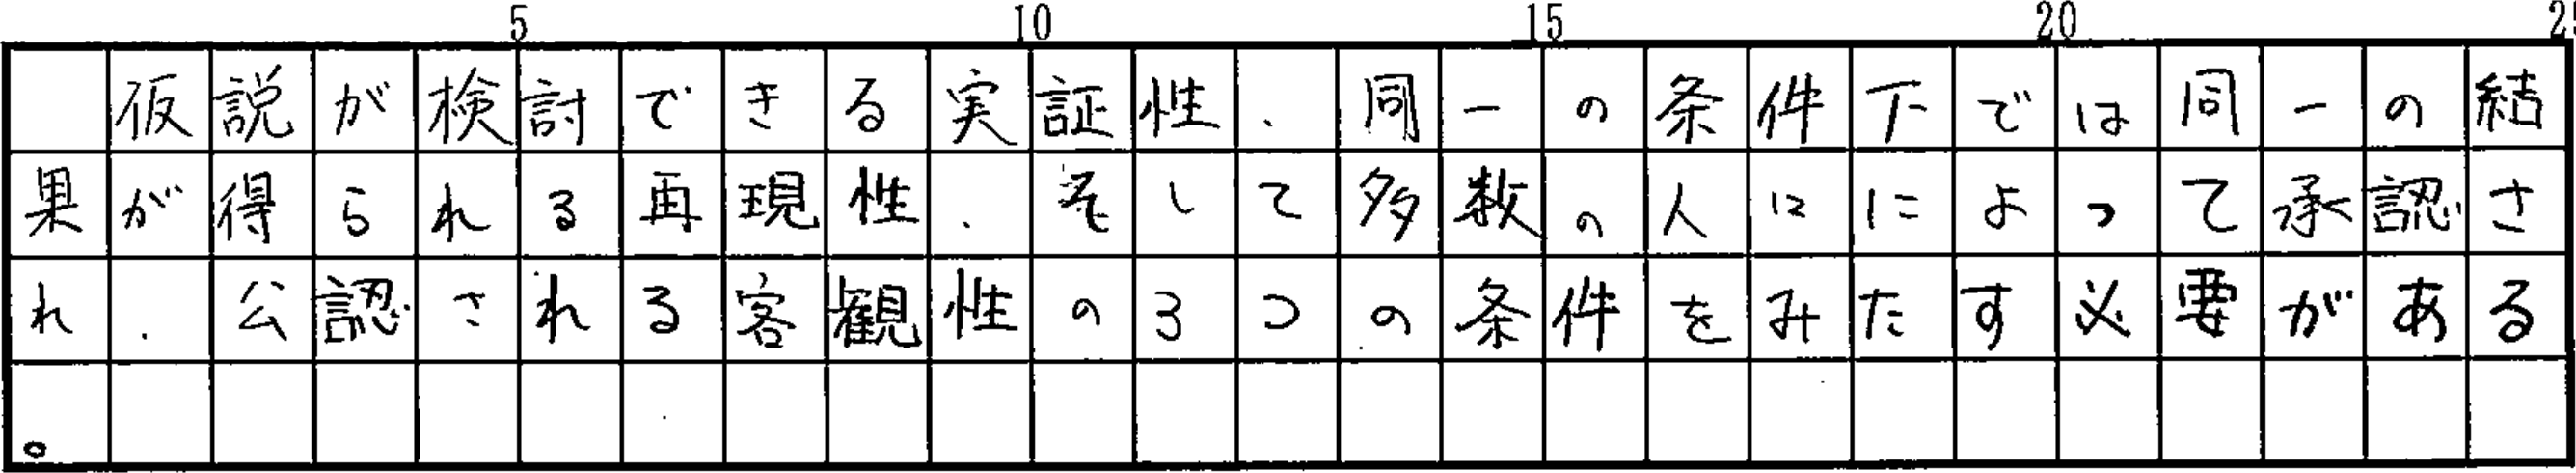　仮説が検討できる実証性、同一の条件下では同一の結果が得られる再現性、そして多数の人々によって承認され、公認される客観性の３つの条件をみたす必要がある。
